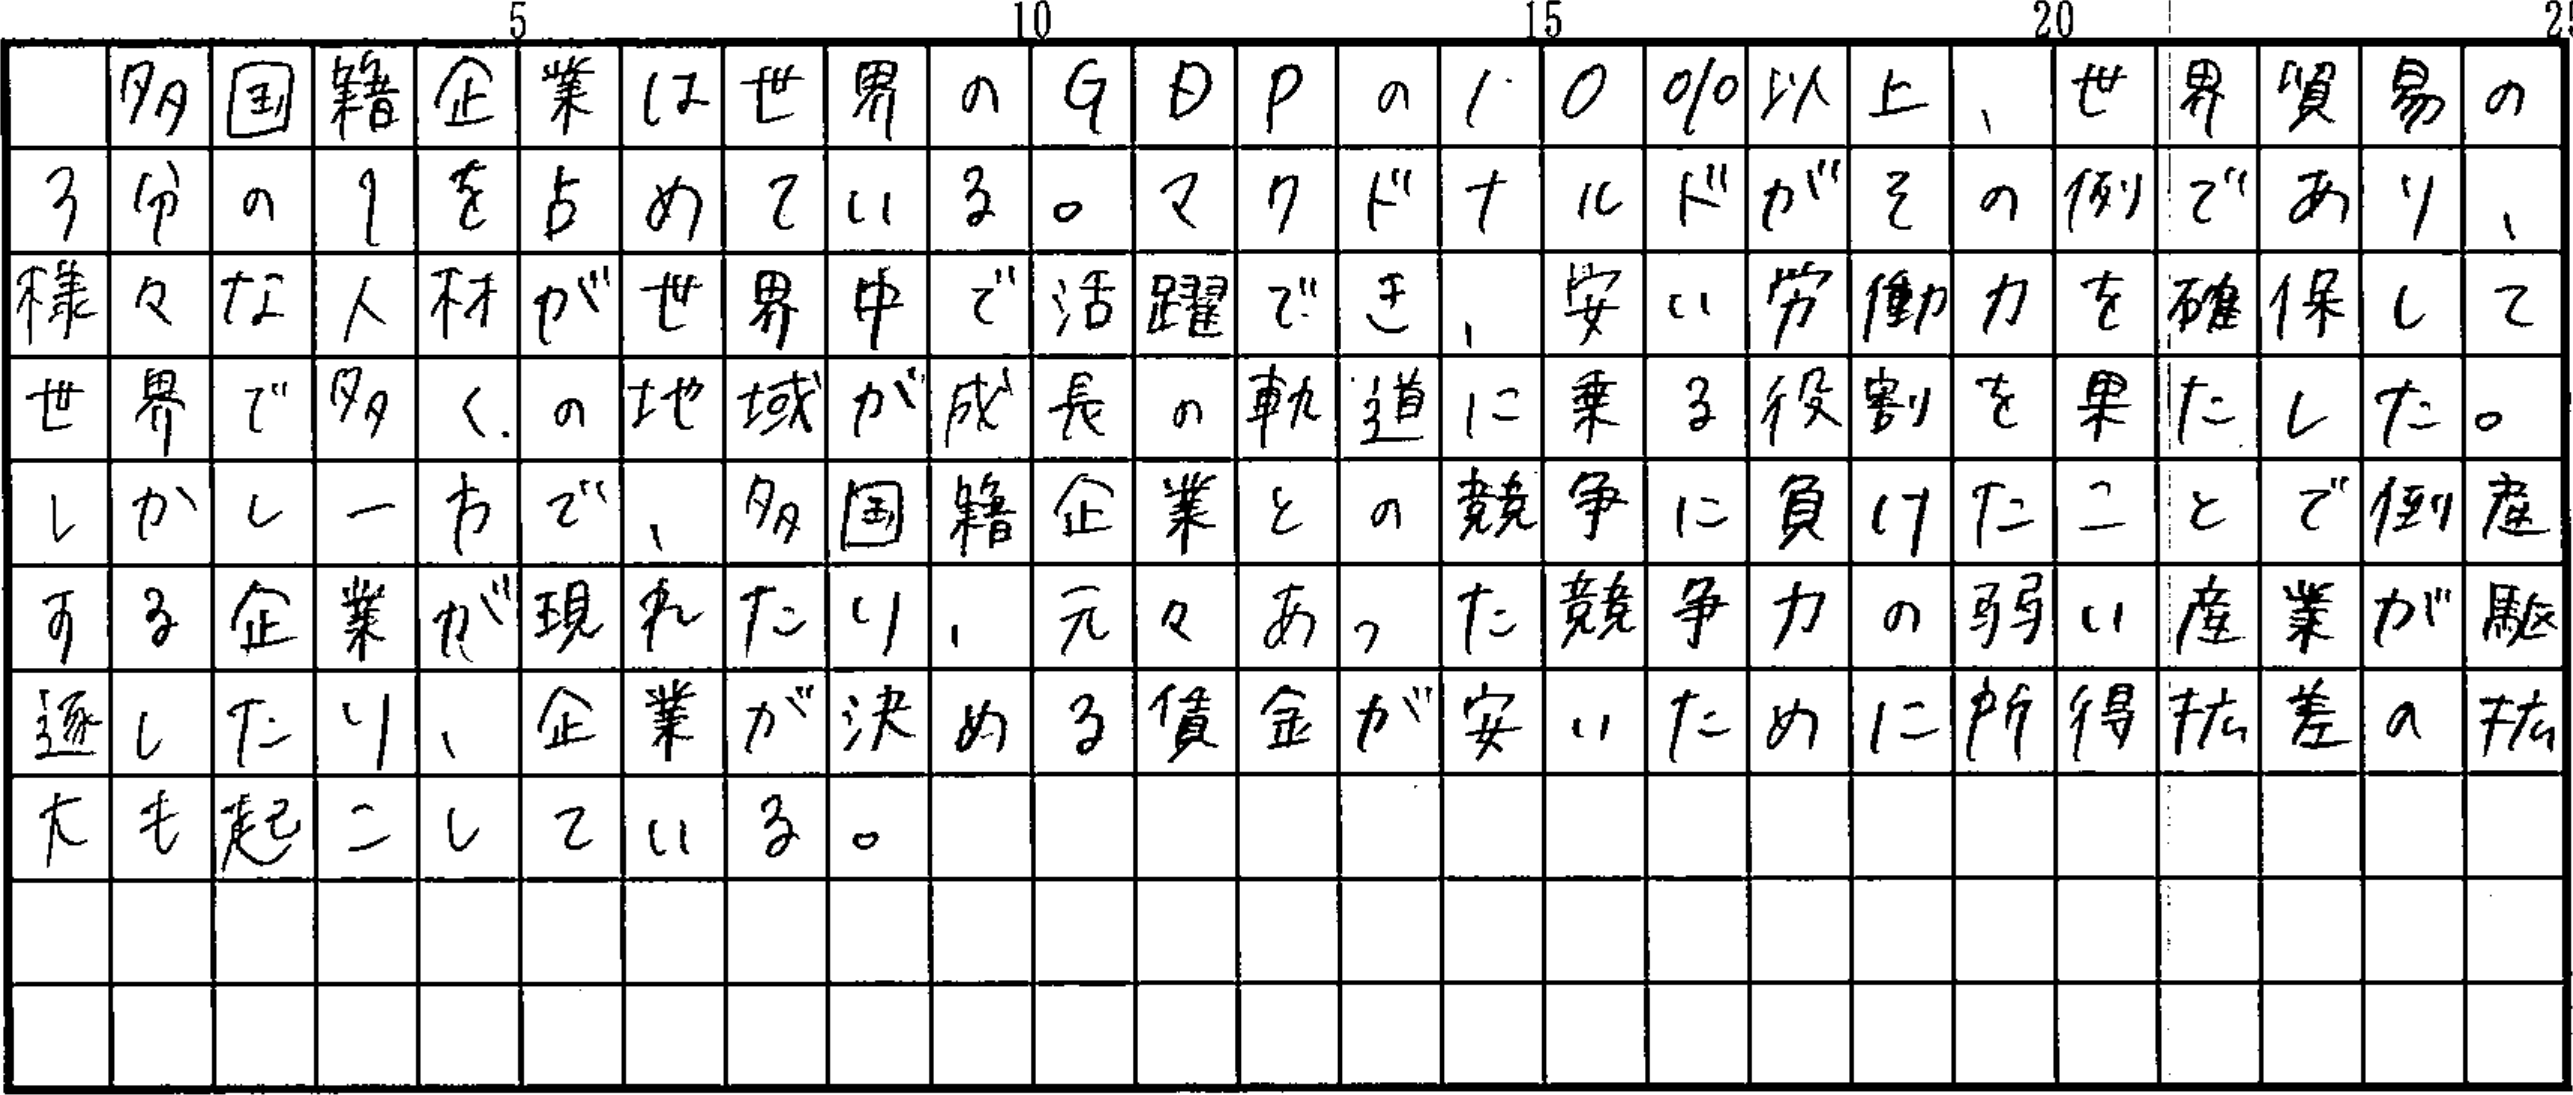　多国籍企業は世界のＧＤＰの１０％以上、世界貿易の３分の１を占めている。マクドナルドがその例であり、様々な人材が世界中で活躍でき、安い労働力を確保して世界で多くの地域が成長の軌道に乗る役割を果たした。しかし一方で、多国籍企業との競争に負けたことで倒産する企業が現れたり、元々あった競争力の弱い産業が駆逐したり、企業が決める賃金が安いために所得拡差の拡大も起こしている。
